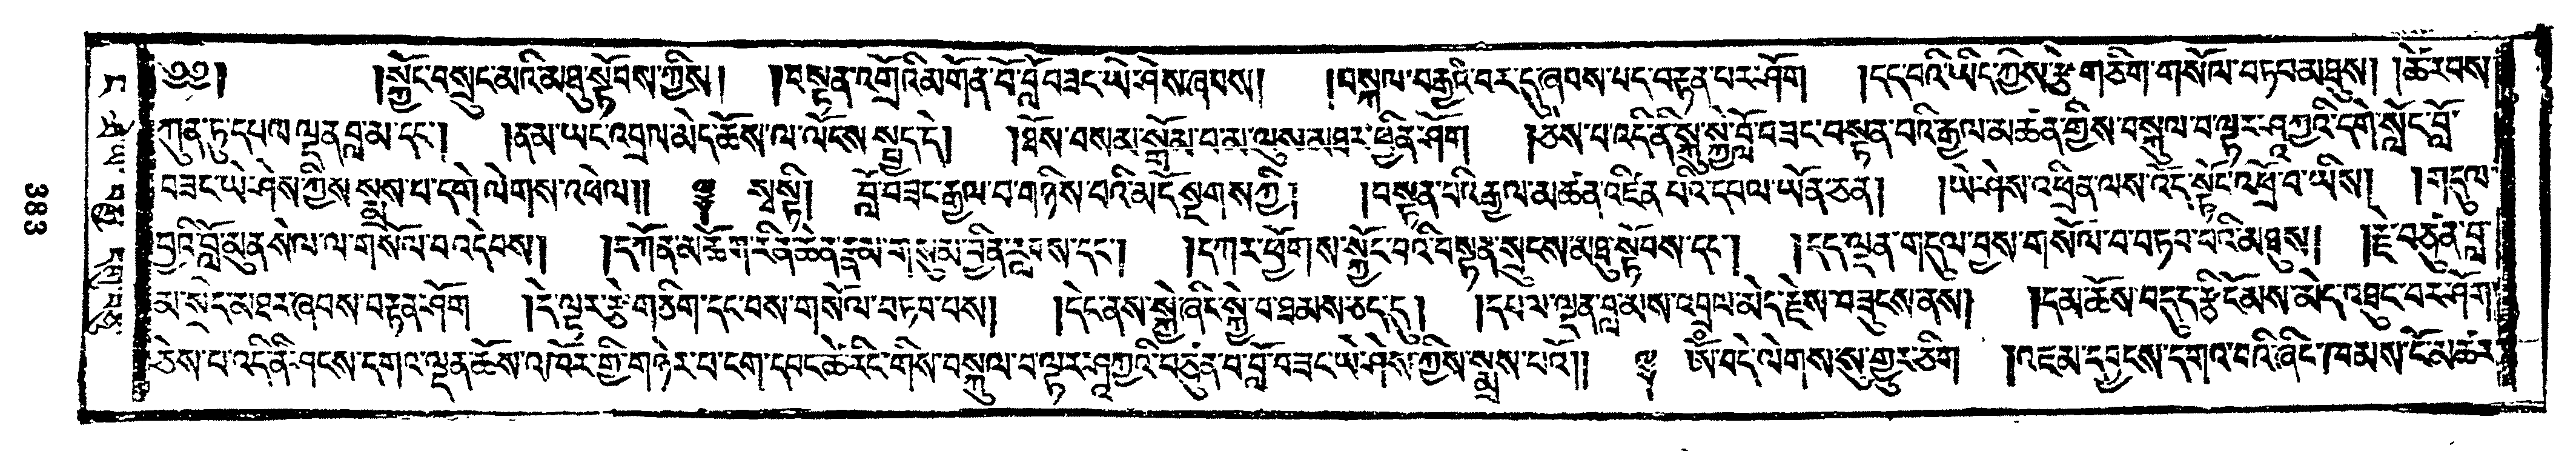༄༅། །སྐྱོང་བསྲུང་མའི་མཐུ་སྟོབས་ཀྱིས། །བསྟན་འགྲོའི་མགོན་བོ་བློ་བཟང་ཡེ་ཤེས་ཞབས། །བསྐལ་བརྒྱའི་བར་དུ་ཞབས་པད་བརྟན་པར་ཤོག །དད་པའི་ཡིད་ཀྱིས་རྩེ་གཅིག་གསོལ་བཏབ་མཐུས། །ཚེ་རབས་
ཀུན་ཏུ་དཔལ་ལྡན་བླ་མ་དང་། །ནམ་ཡང་འབྲལ་མེད་ཆོས་ལ་ལོངས་སྤྱད་དེ། །ཐོས་བསམ་སྒོམ་བ་མ་ལུས་མཐར་ཕྱིན་ཤོག །ཅེས་པ་འདི་ནི་སྐུ་སྐྱེ་བློ་བཟང་བསྟན་བའི་རྒྱལ་མཚན་གྱིས་བསྐུལ་བ་ལྟར་ཤཱཀྱའི་དགེ་སློང་བློ་
བཟང་ཡེ་ཤེས་ཀྱིས་སྨྲས་པ་དགེ་ལེགས་འཕེལ།། ༈ སྭསྟི། བློ་བཟང་རྒྱལ་བ་གཉིས་པའི་མདོ་སྔགས་ཀྱི། །བསྟན་པའི་རྒྱལ་མཚན་འཛིན་པའི་དཔལ་ཡོན་ཅན། །ཡེ་ཤེས་འཕྲིན་ལས་འོད་སྟོང་འཕྲོ་བ་ཡིས། །གདུལ་
བྱའི་བློ་མུན་སེལ་ལ་གསོལ་བ་འདེབས། །དཀོན་མཆོག་རིན་ཆེན་རྣམ་གསུམ་བྱིན་རླབས་དང་། །དཀར་ཕྱོགས་སྐྱོང་བའི་བསྟན་སྲུངས་མཐུ་སྟོབས་དང་། །དད་ལྡན་གདུལ་བྱས་གསོལ་བ་བཏབ་པའི་མཐུས། །རྗེ་བཙུན་བླ་
མ་སྲིད་མཐར་ཞབས་བརྟན་ཤོག །དེ་ལྟར་རྩེ་གཅིག་དང་བས་གསོལ་བཏབ་པས། །དེང་ནས་སྐྱེ་ཞིང་སྐྱེ་བ་ཐམས་ཅད་དུ། །དཔལ་ལྡན་བླ་མས་འབྲལ་མེད་རྗེས་བཟུངས་ནས། །དམ་ཆོས་བདུད་རྩི་ངོམས་མེད་འཐུང་བར་ཤོག་
ཅེས་པ་འདི་ནི་ཤངས་དགའ་ལྡན་ཆོས་འཁོར་གྱི་གཉེར་པ་ངག་དབང་ཚེ་རིང་གིས་བསྐུལ་བ་ལྟར་ཤཱཀྱའི་བཙུན་པ་བློ་བཟང་ཡེ་ཤེས་ཀྱིས་སྨྲས་པའོ།། ༈ ཨོཾ་བདེ་ལེགས་སུ་གྱུར་ཅིག །འཇམ་དབྱངས་དགའ་བའི་ཞིང་ཁམས་ངོ་མཚར་